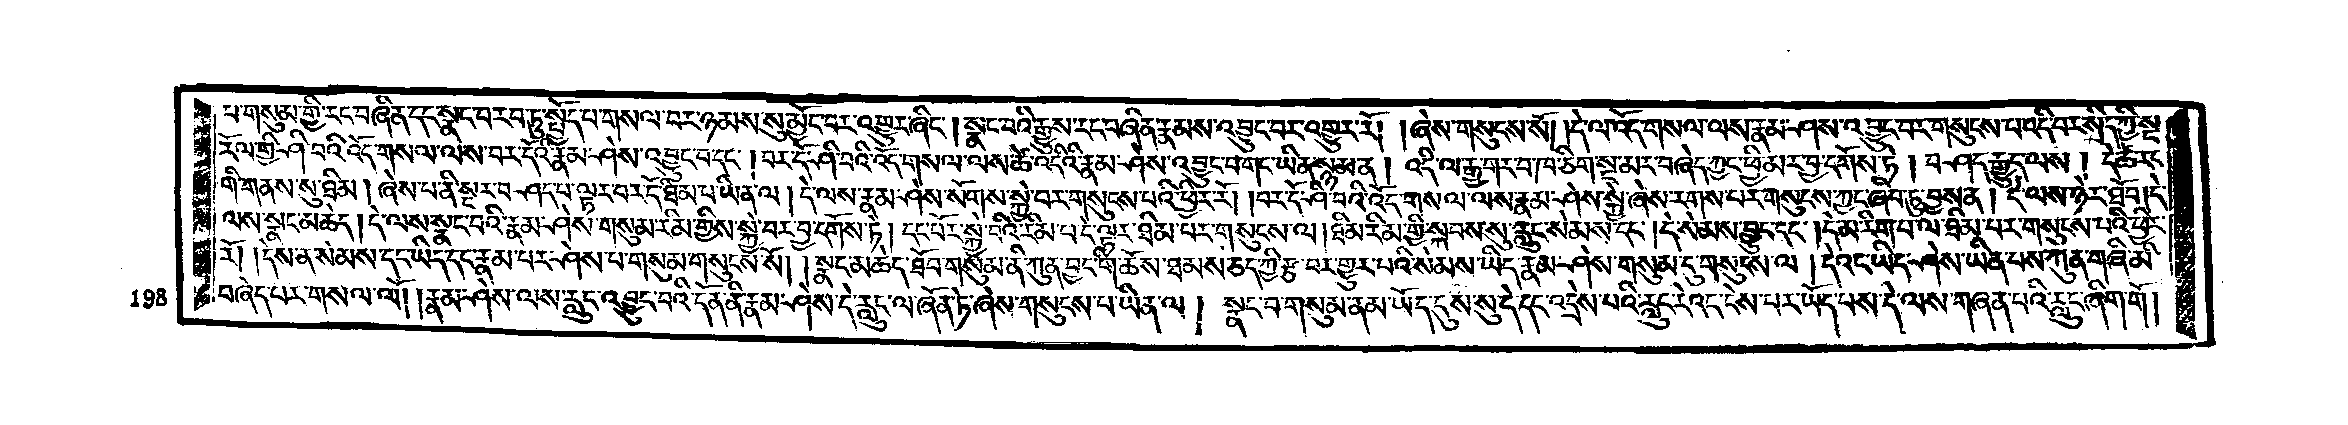པ་གསུམ་གྱི་རང་བཞིན་དང་སྣང་བ་རབ་ཏུ་སྤྱོད་པ་གསལ་བར་ཉམས་སུ་མྱོང་བར་འགྱུར་ཞིང་། སྣང་བའི་རྒྱུས་རང་བཞིན་རྣམས་འབྱུང་བར་འགྱུར་རོ། །ཞེས་གསུངས་སོ། །དེ་ལ་འོད་གསལ་ལས་རྣམ་ཤེས་འབྱུང་བར་གསུངས་པ་འདི་བར་སྲིད་ཀྱི་སྔ་
རོལ་གྱི་ཤི་བའི་འོད་གསལ་ལས་བར་དོའི་རྣམ་ཤེས་འབྱུང་བ་དང་། བར་དོ་ཤི་བའི་འོད་གསལ་ལས་ཚེ་འདིའི་རྣམ་ཤེས་འབྱུང་བ་གང་ཡིན་སྙམ་ན། འདི་ལ་རྒྱ་གར་བ་ཁ་ཅིག་སྔ་མར་བཞེད་ཀྱང་ཕྱི་མར་བྱ་དགོས་ཏེ། བཤད་རྒྱུད་ལས། དེ་ཚེ་རང་
གི་གནས་སུ་ཐིམ། ཞེས་པ་ནི་སྔར་བཤད་པ་ལྟར་བར་དོ་ཐིམ་པ་ཡིན་ལ། དེ་ལས་རྣམ་ཤེས་སོགས་སྐྱེ་བར་གསུངས་པའི་ཕྱིར་རོ། །བར་དོ་ཤི་བའི་འོད་གསལ་ལས་རྣམ་ཤེས་སྐྱེ་ཞེས་རགས་པར་གསུངས་ཀྱང་ཞིབ་ཏུ་བྱས་ན། དེ་ལས་ཉེར་ཐོབ། དེ་
ལས་སྣང་མཆེད། དེ་ལས་སྣང་བའི་རྣམ་ཤེས་གསུམ་རིམ་གྱིས་སྐྱེ་བར་བྱ་དགོས་ཏེ། དང་པོར་སྐྱེ་བའི་རིམ་པ་དེ་ལྟར་ཐིམ་པར་གསུངས་ལ། ཐིམ་རིམ་གྱི་སྐབས་སུ་རླུང་སེམས་དང་། དེ་སེམས་བྱུང་དང་། དེ་མ་རིག་པ་ལ་ཐིམ་པར་གསུངས་པའི་ཕྱིར་
རོ། །དེས་ན་སེམས་དང་ཡིད་དང་རྣམ་པར་ཤེས་པ་གསུམ་གསུངས་སོ། །སྣང་མཆེད་ཐོབ་གསུམ་ནི་ཀུན་བྱང་གི་ཆོས་ཐམས་ཅད་ཀྱི་རྩ་བར་གྱུར་པའི་སེམས་ཡིད་རྣམ་ཤེས་གསུམ་དུ་གསུངས་ལ། དེའང་ཡིད་ཤེས་ཡིན་པས་ཀུན་གཞི་མི་
བཞེད་པར་གསལ་ལོ། །རྣམ་ཤེས་ལས་རླུང་འབྱུང་བའི་དོན་ནི་རྣམ་ཤེས་དེ་རླུང་ལ་ཞོན་ཏེ་ཞེས་གསུངས་པ་ཡིན་ལ། སྣང་བ་གསུམ་ནམ་ཡོད་དུས་སུ་དེ་དང་འདྲེས་པའི་རླུང་རེའང་ངེས་པར་ཡོད་པས་དེ་ལས་གཞན་པའི་རླུང་ཞིག་གོ་